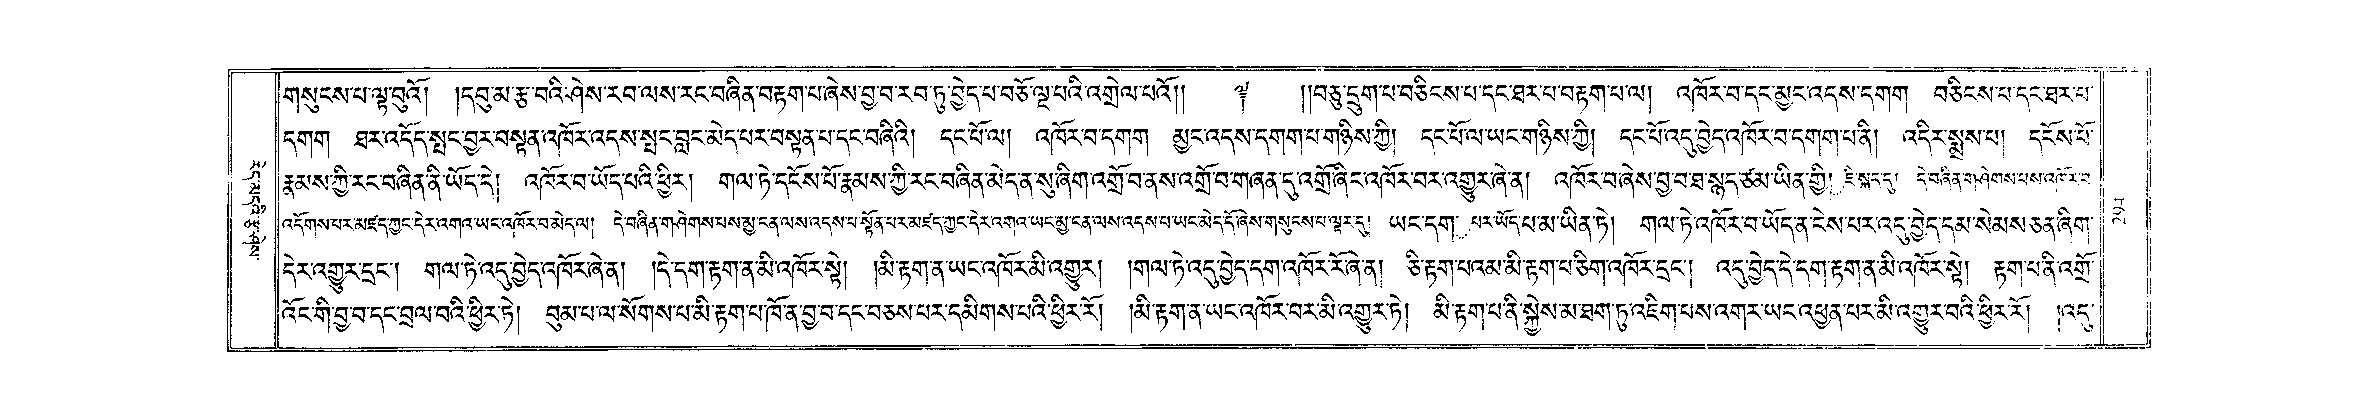གསུངས་པ་ལྟ་བུའོ། །དབུ་མ་རྩ་བའི་ཤེས་རབ་ལས་རང་བཞིན་བརྟག་པ་ཞེས་བྱ་བ་རབ་ཏུ་བྱེད་པ་བཅོ་ལྔ་པའི་འགྲེལ་པའོ།། ༈ །།བཅུ་དྲུག་པ་བཅིངས་པ་དང་ཐར་པ་བརྟག་པ་ལ། འཁོར་བ་དང་མྱང་འདས་དགག་བཅིངས་པ་དང་ཐར་པ་
དགག་ཐར་འདོད་སྤང་བྱར་བསྟན་འཁོར་འདས་སྤང་བླང་མེད་པར་བསྟན་པ་དང་བཞིའི། དང་པོ་ལ། འཁོར་བ་དགག་མྱང་འདས་དགག་པ་གཉིས་ཀྱི། དང་པོ་ལ་ཡང་གཉིས་ཀྱི། དང་པོ་འདུ་བྱེད་འཁོར་བ་དགག་པ་ནི། འདིར་སྨྲས་པ། དངོས་པོ་
རྣམས་ཀྱི་རང་བཞིན་ནི་ཡོད་དེ། འཁོར་བ་ཡོད་པའི་ཕྱིར། གལ་ཏེ་དངོས་པོ་རྣམས་ཀྱི་རང་བཞིན་མེད་ན་སུ་ཞིག་འགྲོ་བ་ནས་འགྲོ་བ་གཞན་དུ་འགྲོ་ཞིང་འཁོར་བར་འགྱུར་ཞེ་ན། འཁོར་བ་ཞེས་བྱ་བ་ཐ་སྙད་ཙམ་ཡིན་གྱི། ཇི་སྐད་དུ། དེ་བཞིན་གཤེགས་པས་འཁོར་བ་
འདོགས་པར་མཛད་ཀྱང་དེར་འགའ་ཡང་འཁོར་བ་མེད་ལ། དེ་བཞིན་གཤེགས་པས་མྱ་ངན་ལས་འདས་པ་སྟོན་པར་མཛད་ཀྱང་དེར་འགའ་ཡང་མྱ་ངན་ལས་འདས་པ་ཡང་མེད་དོ་ཞེས་གསུངས་པ་ལྟར་དུ། ཡང་དག་པར་ཡོད་པ་མ་ཡིན་ཏེ། གལ་ཏེ་འཁོར་བ་ཡོད་ན་ངེས་པར་འདུ་བྱེད་དམ་སེམས་ཅན་ཞིག་
དེར་འགྱུར་དྲང་། གལ་ཏེ་འདུ་བྱེད་འཁོར་ཞེ་ན། །དེ་དག་རྟག་ན་མི་འཁོར་སྟེ། །མི་རྟག་ན་ཡང་འཁོར་མི་འགྱུར། །གལ་ཏེ་འདུ་བྱེད་དག་འཁོར་རོ་ཞེ་ན། ཅི་རྟག་པའམ་མི་རྟག་པ་ཅིག་འཁོར་དྲང་། འདུ་བྱེད་དེ་དག་རྟག་ན་མི་འཁོར་སྟེ། རྟག་པ་ནི་འགྲོ་
འོང་གི་བྱ་བ་དང་བྲལ་བའི་ཕྱིར་ཏེ། བུམ་པ་ལ་སོགས་པ་མི་རྟག་པ་ཁོ་ན་བྱ་བ་དང་བཅས་པར་དམིགས་པའི་ཕྱིར་རོ། །མི་རྟག་ན་ཡང་འཁོར་བར་མི་འགྱུར་ཏེ། མི་རྟག་པ་ནི་སྐྱེས་མ་ཐག་ཏུ་འཇིག་པས་འགར་ཡང་འཕྱན་པར་མི་འགྱུར་བའི་ཕྱིར་རོ། །འདུ་